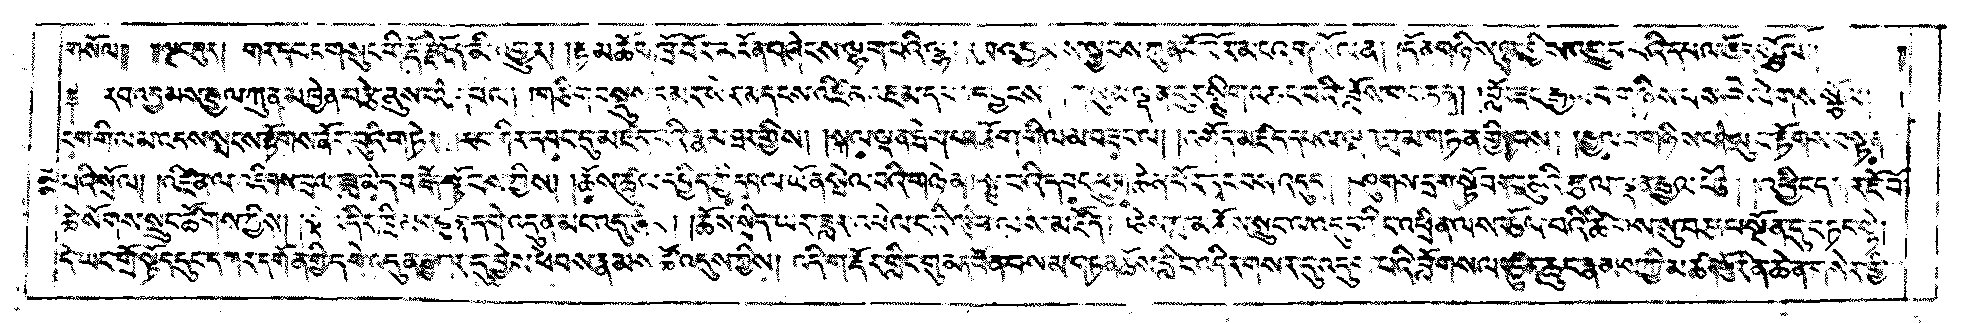གསོལ།། །། ལྗང་ཁུར།  གར་དབང་གསུང་གི་རྡོ་རྗེ་འོད་མི་འགྱུར། །རྟ་མཆོག་ཁྲོ་བོར་མངོན་བཞེངས་ལྷག་པའི་ལྷ། །རབ་འབྱམས་སྐྱབས་ཀུན་ངོ་བོར་མངའ་གསོལ་ན། །དོན་གཉིས་ལྷུན་གྱིས་འགྲུབ་པའི་དཔལ་ཡོན་སྩོལ།། །།
༈ རབ་འབྱམས་རྒྱལ་ཀུན་མཁྱེན་བརྩེ་ནུས་པའི་དཔལ། །གཅིག་བསྡུས་དམར་སེར་མདངས་འཛིན་འཇམ་དཔལ་དབྱངས། །གསུམ་ལྡན་ངུར་སྨྲིག་འཆང་བའི་ཟློས་གར་ཅན། །བློ་བཟང་རྒྱལ་བ་གཉིས་པས་དགེ་ལེགས་སྩོལ། །
ངག྾་གི་ལམ་འདས་སྤངས་རྟོགས་ནོར་བུའི་གཏེར། །རང་གིར་དབང྾་དུ་མཛད་པའི་རྣམ་ཐར་གྱིས། །སྐལ྾་ལྡན་ཐེག་པ་མཆོག་གི་ལམ་བཟང྾་ལ། །འགོད་མཛད་དཔལ་ལྡན་བླ་མ་གཏན་གྱི་སྐྱབས། །རྒྱལ྾་བ་གཉིས་པའི་ལུང་རྟོགས་བསྟན྾་
པའི་སྲོལ། །འཛིན་ལ་འཇིགས་བྲལ་ཟླ་མེད྾་བཟོད་སྟོབས་ཀྱིས། །ཆོས྾་ཚུལ་དཔྱིད་ཀྱི྾་དཔལ་ཡོན་སྤེལ་བའི་གཉེན། །སྨྲ་བའི་དབང྾་ཕྱུག྾་ཆེན་པོར་དྭང་བས་འདུད། །ཤུགས་དྲག་སྟོབས་བཅུའི་རྩལ་ལྡན་རྒྱལ་པོ་ཆེ། །འཕྱིང་དཀར་ཇོ་བོ་
ཆེ་སོགས་སྲུང་ཚོགས་ཀྱིས། །སྡེ་འདིར་ཁྲིམས་ལྡན་དགེ་འདུན་མང་འདུ་ཞིང་། །ཆོས་སྲིད་ཡར་ཟླར་འཕེལ་བའི་འཕྲིན་ལས་མཛོད། །ཅེས་བླ་མ་ཆོས་སྲུང་ལ་འདུད་ཅིང་འཕྲིན་ལས་བཅོལ་བའི་ཚིགས་སུ་བཅད་པ་སྔོན་དུ་བཏང་སྟེ།
དེ་ཡང་གྲོ་སྟོད་དུང་དཀར་དགོན་གྱི་དགེ་འདུན་རྒྱ་གར་དུ་བྱེས་ཕེབས་རྣམས་ཚོ་འདུས་ཀྱིས། །འདི་ག་རྡོར་གླིང་གུམ་དགོན་བསམ་གཏན་ཆོས་གླིང་འདིར་གསར་དུ་འདུས་པའི་བློ་གསལ་བཙུན་ཆུང་རྣམས་ཀྱི་མཚན་ཐོ་རིན་ཆེན་གསེར་གྱི་